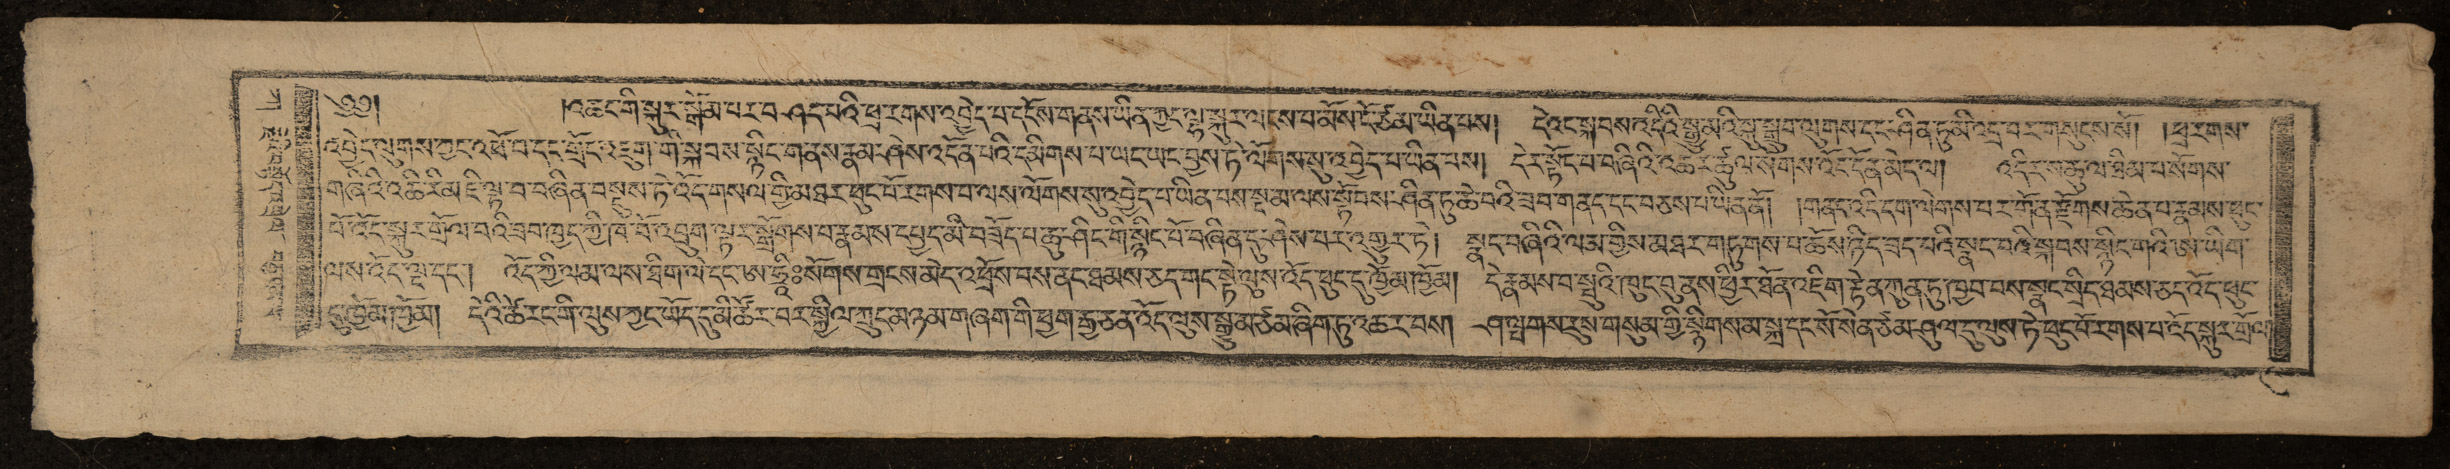༄༅། །འཆང་གི་སྐུར་སྒོམ་པར་བཤད་པའི་ཕྲ་རགས་འབྱེད་པ་དངོས་གནས་ཡིན་ཀྱང་ལྷ་སྐུར་ལངས་བ་མོས་ངོ་ཙམ་ཡིན་པས། དེའང་སྐབས་འདིའི་སྒྱུ་མའི་སྐུ་སྒྲུབ་ལུགས་དང་ཤིན་ཏུ་མི་འདྲ་བར་གསུངས་སོ། །ཕྲ་རགས་
འབྱེད་ལུགས་ཀྱང་འཕོ་བ་དང་གྲོང་འཇུག་གི་སྐབས་སྙིང་གནས་རྣམ་ཤེས་འདོན་པའི་དམིགས་པ་ཡང་ཡང་བྱས་ཏེ་ལོགས་སུ་འབྱེད་པ་ཡིན་པས། དེར་སྟོང་བ་བཞིའི་འཆར་ཚུལ་སོགས་འོད་དོན་མེད་ལ། འདིར་ས་ཆུ་ལ་ཐིམ་པ་སོགས་
གཞིའི་འཆི་རིམ་ཇི་ལྟ་བ་བཞིན་བསྡུས་ཏེ་འོད་གསལ་གྱི་མཐར་ཕུང་པོ་རགས་པ་ལས་ལོགས་སུ་འབྱེད་པ་ཡིན་པས་སྤམ་ལས་སྟོབས་ཤིན་ཏུ་ཆེ་བའི་ཟབ་གནད་དང་བཅས་པ་ཡིན་ནོ། །གནད་འདི་དག་ལེགས་པར་གོན་རྫོགས་ཆེན་པ་རྣམས་ཕུང་
པོ་འོད་སྐུར་གྲོལ་བའི་ཟབ་ཁྱད་ཀྱི་ཁ་བོ་འབྲུག་ལྟར་སྒྲོགས་པ་རྣམས་དཔྱད་མི་བཟོད་པ་ཆུ་ཤིང་གི་སྙིང་པོ་བཞིན་དུ་ཤེས་པར་འགྱུར་ཏེ། སྣང་བཞིའི་ལམ་གྱིས་མཐར་གཏུགས་པ་ཆོས་ཉིད་ཟད་པའི་སྣང་བའི་སྐབས་སྙིང་གའི་ཨ་ཡིག་
ལས་འོད་ལྔ་དང་། འོད་ཀྱི་ལམ་ལས་ཐིག་ལེ་དང་ཨ་ཧྲཱིཿསོགས་གྲངས་མེད་འཕྲོས་པས་ནང་ཐམས་ཅད་གང་སྟེ་ལུས་འོད་ཕུང་དུ་ཁྱོམ་ཁྱོམ། དེ་རྣམས་བ་སྤུའི་ཁུང་བུ་ནས་ཕྱིར་ཐོན་འཇིག་རྟེན་ཀུན་ཏུ་ཁྱབ་པས་སྣང་སྲིད་ཐམས་ཅད་འོད་ཕུང་
དུ་ཁྱོམ་ཁྱོམ། དེའི་ཚེ་རང་གི་ལུས་ཀྱང་ཡོད་དུ་མི་ཚོར་བར་སྐྱིལ་ཀྲུང་མཉམ་གཞག་གི་ཕྱག་རྒྱ་ཅན་འོད་ལུས་སྒྱུ་མ་ཙམ་ཞིག་ཏུ་འཆར་བས། ཤ་ལྤགས་རུས་གསུམ་གྱི་སྙིགས་མ་སྐྲ་དང་སོ་སེན་ཙམ་ཤུལ་དུ་ལུས་ཏེ་ཕུང་པོ་རགས་པ་འོད་སྐུར་གྲོལ་